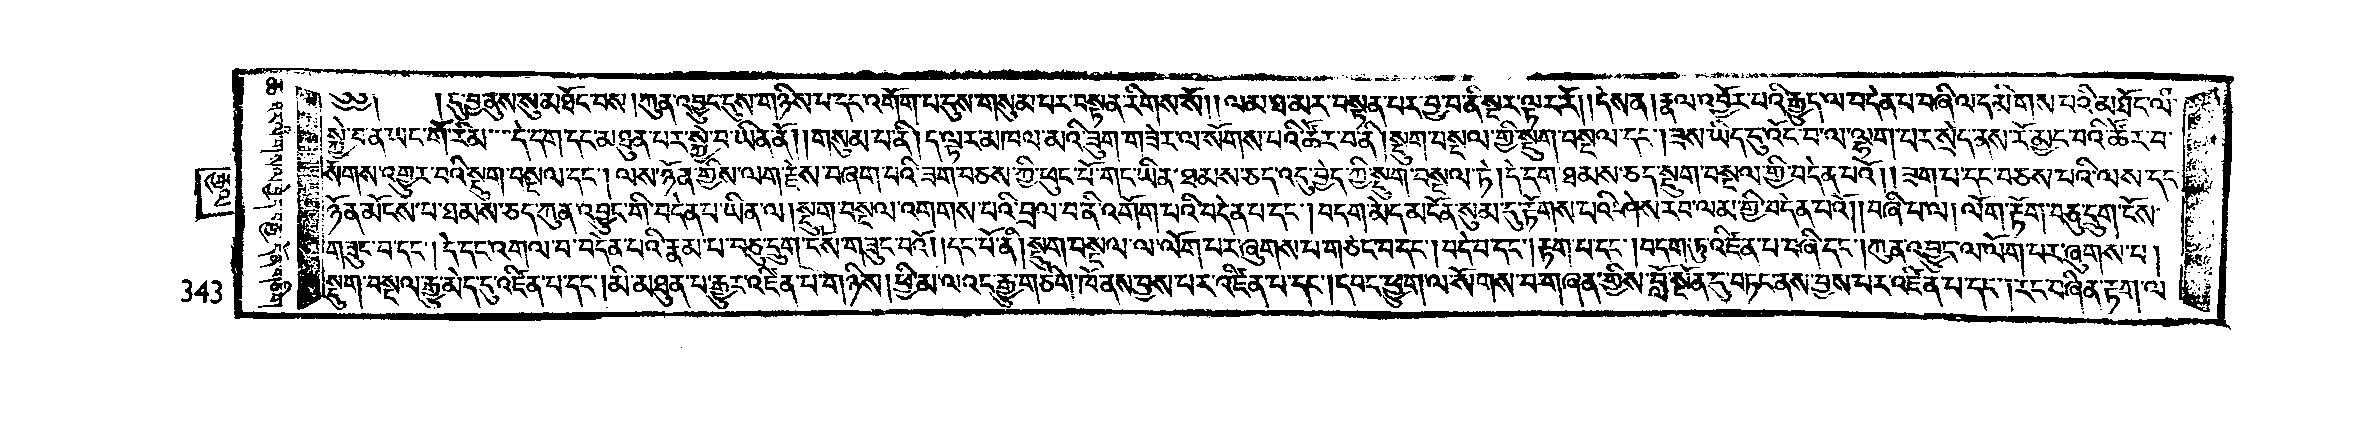༄༅། །དུ་བྱ་ནུས་སུ་མཐོང་བས། ཀུན་འབྱུང་དུས་གཉིས་པ་དང་འགོག་པ་དུས་གསུམ་པར་བསྟན་རིགས་སོ། །ལམ་ཐ་མར་བསྟན་པར་བྱ་བ་ནི་སྔར་ལྟར་རོ། །དེས་ན། རྣལ་འབྱོར་པའི་རྒྱུད་ལ་བདེན་པ་བཞི་ལ་དམིགས་པའི་མཐོང་{ལཾ}
སྐྱེ་བ་ན་ཡང་གོ་རིམ་དེ་དག་དང་མཐུན་པར་སྐྱེ་བ་ཡིན་ནོ། །གསུམ་པ་ནི། ད་ལྟར་མཁལ་མའི་ཟུག་གཟེར་ལ་སོགས་པའི་ཚོར་བ་ནི། སྡུག་བསྔལ་གྱི་སྡུག་བསྔལ་དང་། ཟས་ཡིད་དུ་འོང་བ་ལ་ལྷག་པར་སྲེད་ནས་རོ་མྱང་བའི་ཚོར་བ་
སོགས་འགྱུར་བའི་སྡུག་བསྔལ་དང་། ལས་ཉོན་གྱིས་ལག་རྗེས་བཞག་པའི་ཟག་བཅས་ཀྱི་ཕུང་པོ་གང་ཡིན་ཐམས་ཅད་འདུ་བྱེད་ཀྱི་སྡུག་བསྔལ་ཏེ། དེ་དག་ཐམས་ཅད་སྡུག་བསྔལ་གྱི་བདེན་པའོ། །ཟག་པ་དང་བཅས་པའི་ལས་དང་
ཉོན་མོངས་པ་ཐམས་ཅད་ཀུན་འབྱུང་གི་བདེན་པ་ཡིན་ལ། སྡུག་བསྔལ་འགགས་པའི་བྲལ་བ་ནི་འགོག་པའི་བདེན་པ་དང་། བདག་མེད་མངོན་སུམ་དུ་རྟོགས་པའི་ཤེས་རབ་ལམ་གྱི་བདེན་པའོ། །བཞི་པ་ལ། ལོག་རྟོག་བཅུ་དྲུག་ངོས་
གཟུང་བ་དང་། དེ་དང་འགལ་བ་བདེན་པའི་རྣམ་པ་བཅུ་དྲུག་ངོས་གཟུང་བའོ། །དང་པོ་ནི། སྡུག་བསྔལ་ལ་ལོག་པར་ཞུགས་པ་གཙང་བ་དང་། བདེ་བ་དང་། རྟག་པ་དང་། བདག་ཏུ་འཛིན་པ་བཞི་དང་། ཀུན་འབྱུང་ལ་ལོག་པར་ཞུགས་པ།
སྡུག་བསྔལ་རྒྱུ་མེད་དུ་འཛིན་པ་དང་། མི་མཐུན་པ་རྒྱུར་འཛིན་པ་གཉིས། ཕྱི་མ་ལའང་རྒྱུ་གཅིག་ཁོ་ནས་བྱས་པར་འཛིན་པ་དང་། དབང་ཕྱུག་ལ་སོགས་པ་གཞན་གྱིས་བློ་སྔོན་དུ་བཏང་ནས་བྱས་པར་འཛིན་པ་དང་། རང་བཞིན་རྟག་ལ་